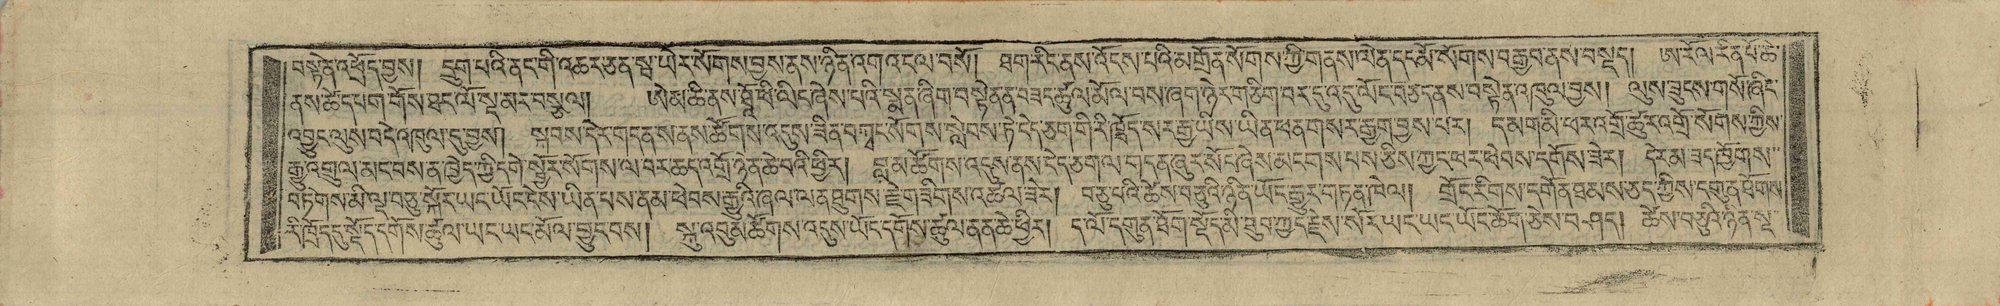བསྟེན་འཕྲོད་བྱས། དྲུག་པའི་ནང་གི་འཆར་ཅན་སྦ་ཡེར་སོགས་བྱས་ནས་ཉིན་འགའ་ངལ་བསོ། ཐག་རིང་ནས་འོངས་པའི་མགྲོན་སོགས་ཀྱི་གནས་ལེན་དང་མོ་སོགས་བརྒྱབ་ནས་བསྡད། ཨ་རོལ་རིན་པོ་ཆེ་
ནས་ཚེ་དཔག་གོས་ཐང་ལོ་སྔ་མར་བསྩལ། ཨེམ་ཆི་ནས་ཐO་ཕི་ལིང་ཞེས་པའི་སྨན་ཞིག་བསྟེན་ན་བཟང་ཚུལ་མོལ་བས་ཞག་ཉེར་གཅིག་བར་དུ་འདུ་ལོང་བཅད་ནས་བསྟེན་འཁུལ་བྱས། ལུས་ཟུངས་གསོ་ཞིང་
འབྱུང་ལུས་བདེ་འཁུལ་དུ་བྱས། སྐབས་དེར་གདན་ས་ནས་ཚོགས་འདུས་ཟིན་བཀྭང་སོགས་སླེབས་ཏེ་ངེད་ཅག་གི་རི་ཁྲོད་སར་རྒྱ་ཡིས་ཡིན་ཕན་གསར་རྒྱག་བྱས་པར། དམག་མི་ཕར་འགྲོ་ཚུར་འགྲོ་སོགས་ཀྱིས་
རྒྱུ་འགྲུལ་མང་བས་ན་ཁྱེད་ཀྱི་དགེ་སྦྱོར་སོགས་ལ་བར་ཆད་འགྲོ་ཉེན་ཆེ་བའི་ཕྱིར། བླ་མ་ཚོགས་འདུས་ནས་ངེད་ཅག་ལ་གདན་ཞུར་སོང་ཞེས་མངགས་པས་ཅིས་ཀྱང་ཕར་ཕེབས་དགོས་ཟེར། དེར་མ་ཟད་ཁྱོགས་
བཏེགས་མི་ལྔ་བཅུ་སྐོར་ཡང་ཡོང་ངེས་ཡིན་པས་ནམ་ཕེབས་རྒྱུའི་ཞལ་ལན་ཐུགས་རྗེ་གཟིགས་འཚལ་ཟེར། བཅུ་པའི་ཚེས་བཅུའི་ཉིན་ཡོང་རྒྱུར་གཏན་ཁེལ། གྲོང་རིགས་དགོན་ཐམས་ཅད་ཀྱིས་དགུན་ཐོགས་
རི་ཁྲོད་དུ་སྡོད་དགོས་ཚུལ་ཡང་ཡང་མོལ་བྱུང་བས། སྐུ་འབུམ་ཚོགས་འདུས་ཡོང་དགོས་ཚུལ་ནན་ཆེ་ཕྱིར། ད་ལོ་དགུན་ཐོག་སྡོད་མི་ཐུབ་ཀྱང་རྗེས་སོར་ཡང་ཡང་ཡོང་ཆོག་ཅེས་བཤད། ཚེས་བཅུའི་ཉིན་སྔ་